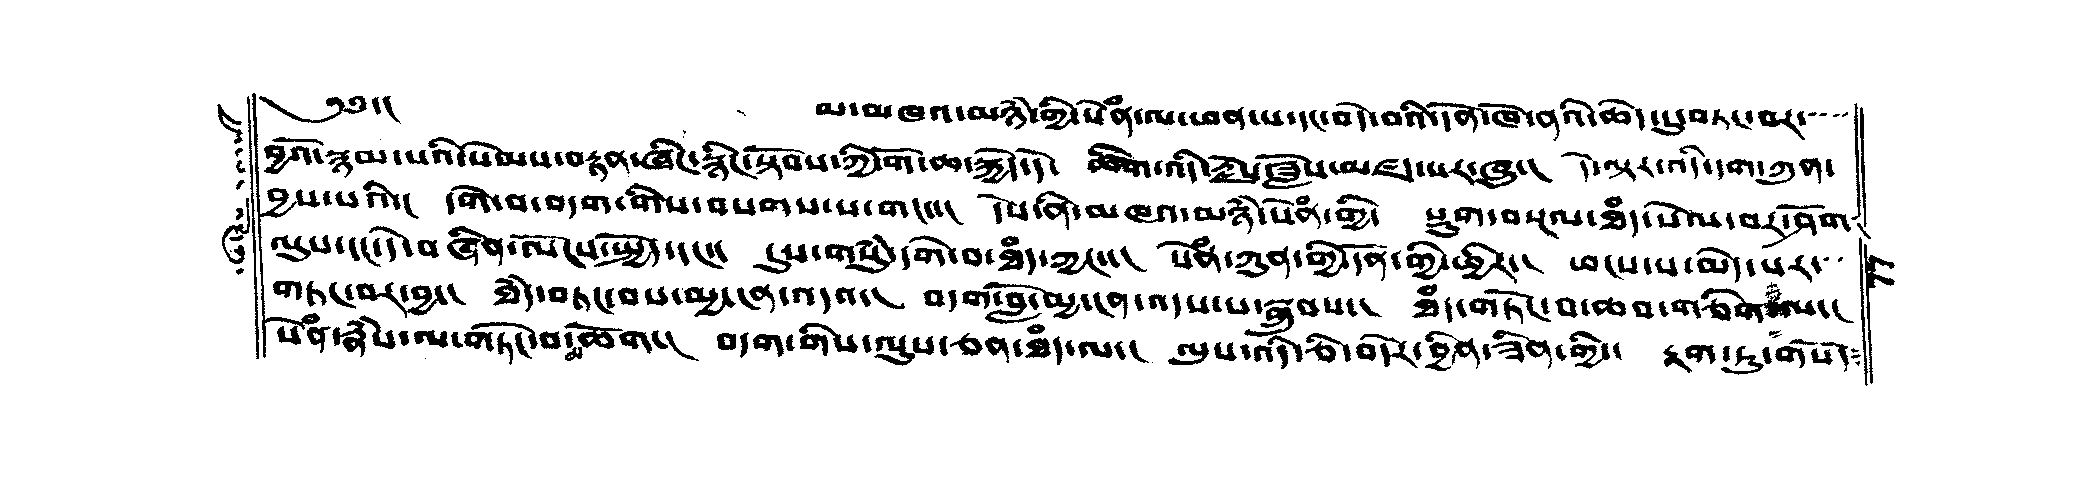མ་མཁའ་མཉམ་གྱི་སེམས་ཅན་ལ་ཕན་པ་དག་བདེ་བའི་དོན་ཁོ་ནའི་ཆེད་དུ་བཏང་བར་
བྱའོ་སྙམ་པའི་སེམས་བརྟན་ཟིང་སྙིང་སྟོབས་ཀྱི་གོ་ཆ་སྐྱེད་དོ། ཚིག་འདི་རྗེས་ཟློས་མཛད་པར་ཞུ། དེ་ལྟར་འདི་དག་ཀུན་
བྱས་པའི། དགེ་བ་བདག་གིས་བསགས་པ་གང་། དེས་ནི་མཁའ་མཉམ་སེམས་ཅན་གྱི། སྡུག་བསྔལ་ཐམས་ཅད་སེལ་བར་ཤོག 
ལུས་དང་དེ་བཞིན་ལོངས་སྤྱོད་དང་། དུས་གསུམ་དགེ་བ་ཐམས་ཅད་ཀྱང་། སེམས་ཅན་ཀུན་གྱི་དོན་གྱི་ཕྱིར། ཕངས་པ་མེད་པར་
གཏང་བར་བྱ། ཐམས་ཅད་བཏང་བས་མྱ་ངན་འདའ། བདག་བློ་མྱ་ངན་འདས་པ་སྒྲུབས། ཐམས་ཅད་གཏོང་བ་ཆབ་གཅིག་ལ། 
སེམས་ཅན་རྣམས་ལ་གཏོང་བ་མཆོག བདག་གིས་ལུས་ཅན་ཐམས་ཅད་ལས། ལུས་འདི་ཅི་བདེར་བྱིན་ཟིན་གྱི། རྟག་ཏུ་གསོ་